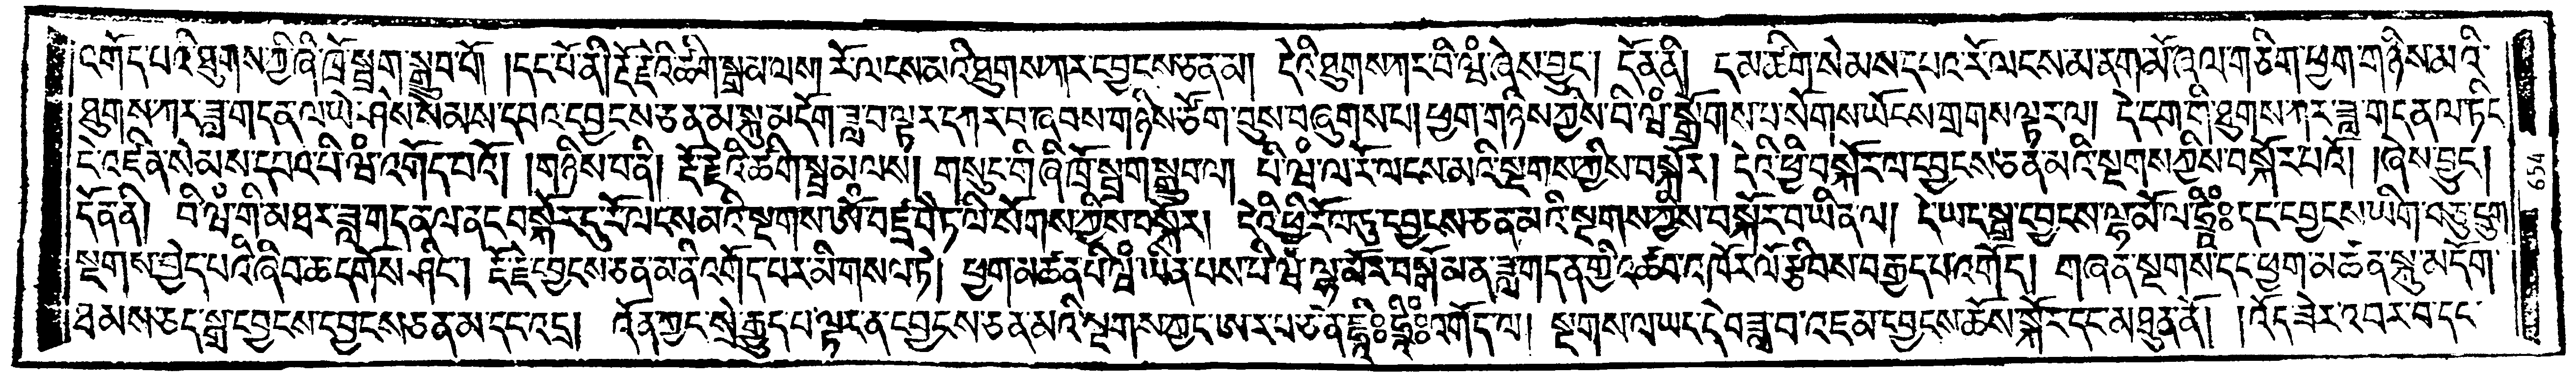འགོད་པའི་ཐུགས་ཀྱི་ཞི་ཁྲོ་སྦྲག་སྒྲུབ་པོ། །དང་པོ་ནི། རྡོ་རྗེའི་ཚིག་སྒྲམ་ལས། རོ་ལངས་མའི་ཐུགས་ཀར་དབྱངས་ཅན་མ། དེའི་ཐུགས་ཀར་པི་ཝཾ་ཞེས་བྱུང་། དོན་ནི། དམ་ཚིག་སེམས་དཔའ་རོ་ལངས་མ་ནག་མོ་ཞལ་གཅིག་ཕྱག་གཉིས་མའི་
ཐུགས་ཀར་ཟླ་གདན་ལ་ཡེ་ཤེས་སེམས་དཔའ་དབྱངས་ཅན་མ་སྐུ་མདོག་ཟླ་བ་ལྟར་དཀར་བ་ཞབས་གཉིས་ཙོག་བུས་བཞུགས་པ། ཕྱག་གཉིས་ཀྱིས་པི་ཝཾ་སྒྲོགས་པ་སོགས་ཡོངས་གྲགས་ལྟར་ལ། དེ་དག་གི་ཐུགས་ཀར་ཟླ་གདན་ལ་ཏིང་
ངེ་འཛིན་སེམས་དཔའ་པི་ཝཾ་འགོད་པའོ། །གཉིས་པ་ནི། རྡོ་རྗེའི་ཚིག་སྦྲམ་ལས། གསུང་གི་ཞི་ཁྲོ་སྦྲག་སྒྲུབ་ལ། པི་ཝཾ་ལ་རོ་ལངས་མའི་སྔགས་ཀྱིས་བསྐོར། དེའི་ཕྱི་བསྐོར་ལ་དབྱངས་ཅན་མའི་སྔགས་ཀྱིས་བསྐོར་པའོ། །ཞེས་བྱུང་།
དོན་ནི། པི་ཝཾ་གི་མཐར་ཟླ་གདན་ལ་ནང་བསྐོར་དུ་རོ་ལངས་མའི་སྔགས་ཨོཾ་བཛྲ་བཻ་ཏ་ལི་སོགས་ཀྱིས་བསྐོར། དེའི་ཕྱི་རོལ་ཏུ་དབྱངས་ཅན་མའི་སྔགས་ཀྱིས་བསྐོར་བ་ཡིན་ལ། དེ་ཡང་སྒྲ་དབྱངས་ལྷ་མོ་ལ་ཧྲཱིཾཿ དང་དབྱངས་ཡིག་བཅུ་དྲུག་
སྔགས་བྱེད་པའི་ཞིབ་ཆ་དགོས་ཤིང་། རྡོ་རྗེ་དབྱངས་ཅན་མ་ནི་འགོད་པར་མི་གསལ་ཏེ། ཕྱག་མཚན་པི་ཝཾ་ཡིན་པས་པི་ཝཾ་ལྷ་མོར་བསྒོམ་ན་ཟླ་གདན་གྱི་འཚབ་འཁོར་ལོ་རྩིབས་བརྒྱད་པ་འགོད། གཞན་སྔགས་དང་ཕྱག་མཚན་སྐུ་མདོག་
ཐམས་ཅད་སྒྲ་དབྱངས་དབྱངས་ཅན་མ་དང་འདྲ། འོན་ཀྱང་སྲེ་རྒྱུད་པ་ལྟར་ན་དབྱངས་ཅན་མའི་སྔགས་ཀྱང་ཨ་ར་པ་ཙ་ན་དྷཱིཿཧྲཱིཾཿའགོད་ལ། སྔགས་ལ་ཡང་དེ་བཟླ་བ་འཇམ་དབྱངས་ཆོས་སྐོར་དང་མཐུན་ནོ། །འོད་ཟེར་འབར་བ་དང་